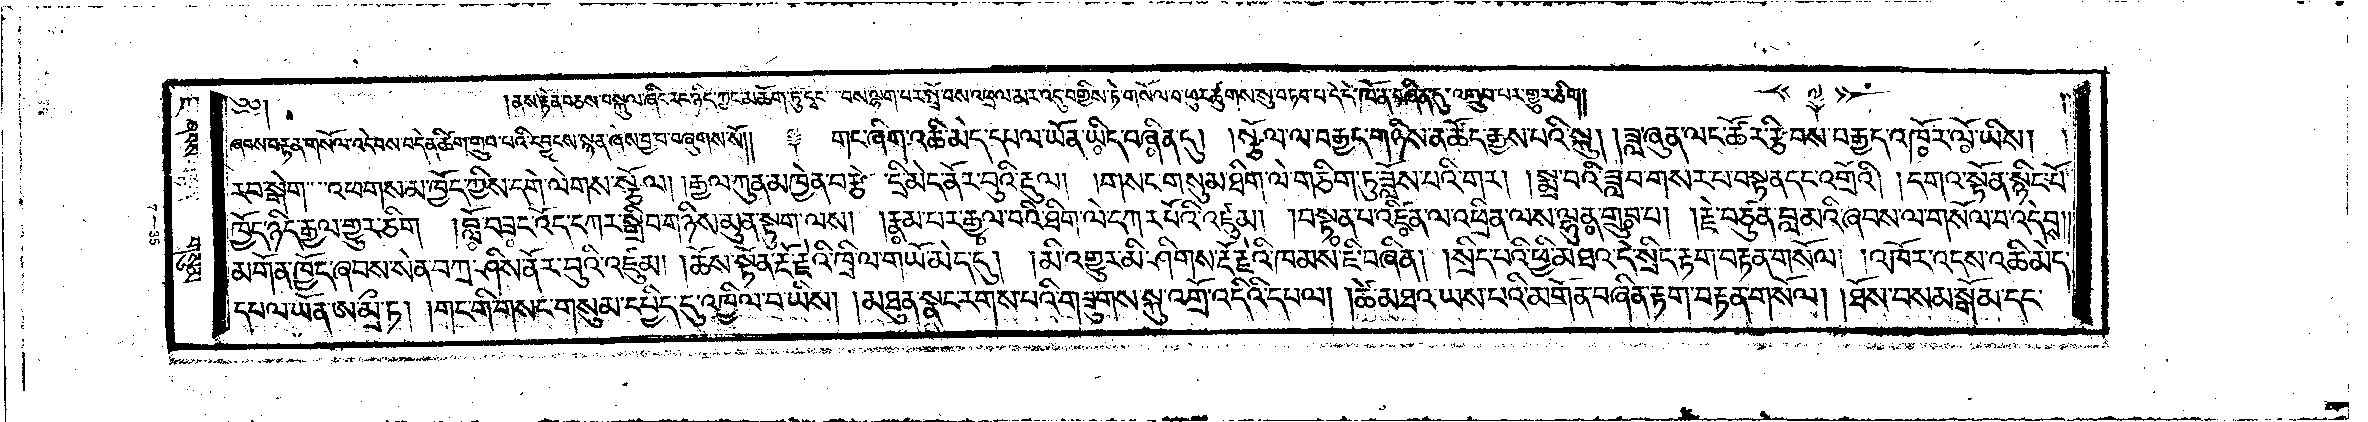༄༅། །ནས་རྟེན་བཅས་བསྐུལ་ཞིང་རང་ཉིད་ཀྱང་མཆོག་ཏུ་དྭང་བས་ལྷག་པར་སྤྲོ་བས་འཕྲལ་མར་འདུ་བགྱིས་ཏེ་གསོལ་བ་ཕུར་ཚུགས་སུ་བཏབ་པ་དེ་དེ་ཁོ་ན་བཞིན་དུ་འགྲུབ་པར་གྱུར་ཅིག ། ༈
ཞབས་བརྟན་གསོལ་འདེབས་བདེན་ཚིག་གྲུབ་པའི་དབྱངས་སྙན་ཞེས་བྱ་བ་བཞུགས་སོ།། ༈ གང་ཞིག་འཆི་མེད་དཔལ་ཡོན་ཡིད་བཞིན་དུ། །སྩོལ་ལ་བརྒྱད་གཉིས་ན་ཚོད་རྒྱས་པའི་སྐུ། །བླ་ཞུན་ལང་ཚོར་རྩིབས་བརྒྱད་འཁོར་ལོ་ཡིས། །
རབ་སྒེག་འཕགས་མཁྱོད་ཀྱིས་དགེ་ལེགས་སྩོལ། །རྒྱལ་ཀུན་མཁྱེན་བརྩེ་དྲི་མེད་ནོར་བུའི་རྔུལ། །གསང་གསུམ་ཐིག་ལེ་གཅིག་ཏུ་བློས་པའི་གར། །སྨྲ་བའི་ཟླ་བ་གསར་པ་བསྟན་དང་འགྲོའི། །དགའ་སྟོན་སྙིང་པོ་
ཁྱོད་ཉིད་རྒྱལ་གྱུར་ཅིག །བློ་བཟང་འོད་དཀར་སྒྲིབ་གཉིས་མུན་སྟུག་ལས། །རྣམ་པར་རྒྱལ་བའི་ཐིག་ལེ་དཀར་པོའི་འཛུམ། །བསྟན་པ་འཛིན་ལ་འཕྲིན་ལས་ལྷུན་གྲུབ་པ། །རྗེ་བཙུན་བླ་མའི་ཞབས་ལ་གསོལ་བ་འདེབས།།
མགོན་ཁྱོད་ཞབས་སེན་བཀྲ་ཤིས་ནོར་བུའི་འཛུམ། །ཆོས་སྟོན་རྡོ་རྗེའི་ཁྲིལ་གཡོ་མེད་དུ། །མི་འགྱུར་མི་ཤིགས་རྡོ་རྗེའི་ཁམས་ཇི་བཞིན། །སྲིད་པའི་ཕྱི་མཐའ་དེ་སྲིད་རྟག་བརྟན་གསོལ། །འཁོར་འདས་འཆི་མེད་
དཔལ་ཡོན་ཨ་མྲྀ་ཏ། །གང་གི་གསང་གསུམ་དཔྱིད་དུ་འཁྱིལ་བ་ཡིས། །མཐུན་སྣང་རགས་པའི་གཟུགས་སྐུ་འགྲོ་འདིའི་དཔལ། །ཚེ་མཐའ་ཡས་པའི་མགོན་བཞིན་རྟག་བརྟན་གསོལ། །ཐོས་བསམ་སྒོམ་དང་